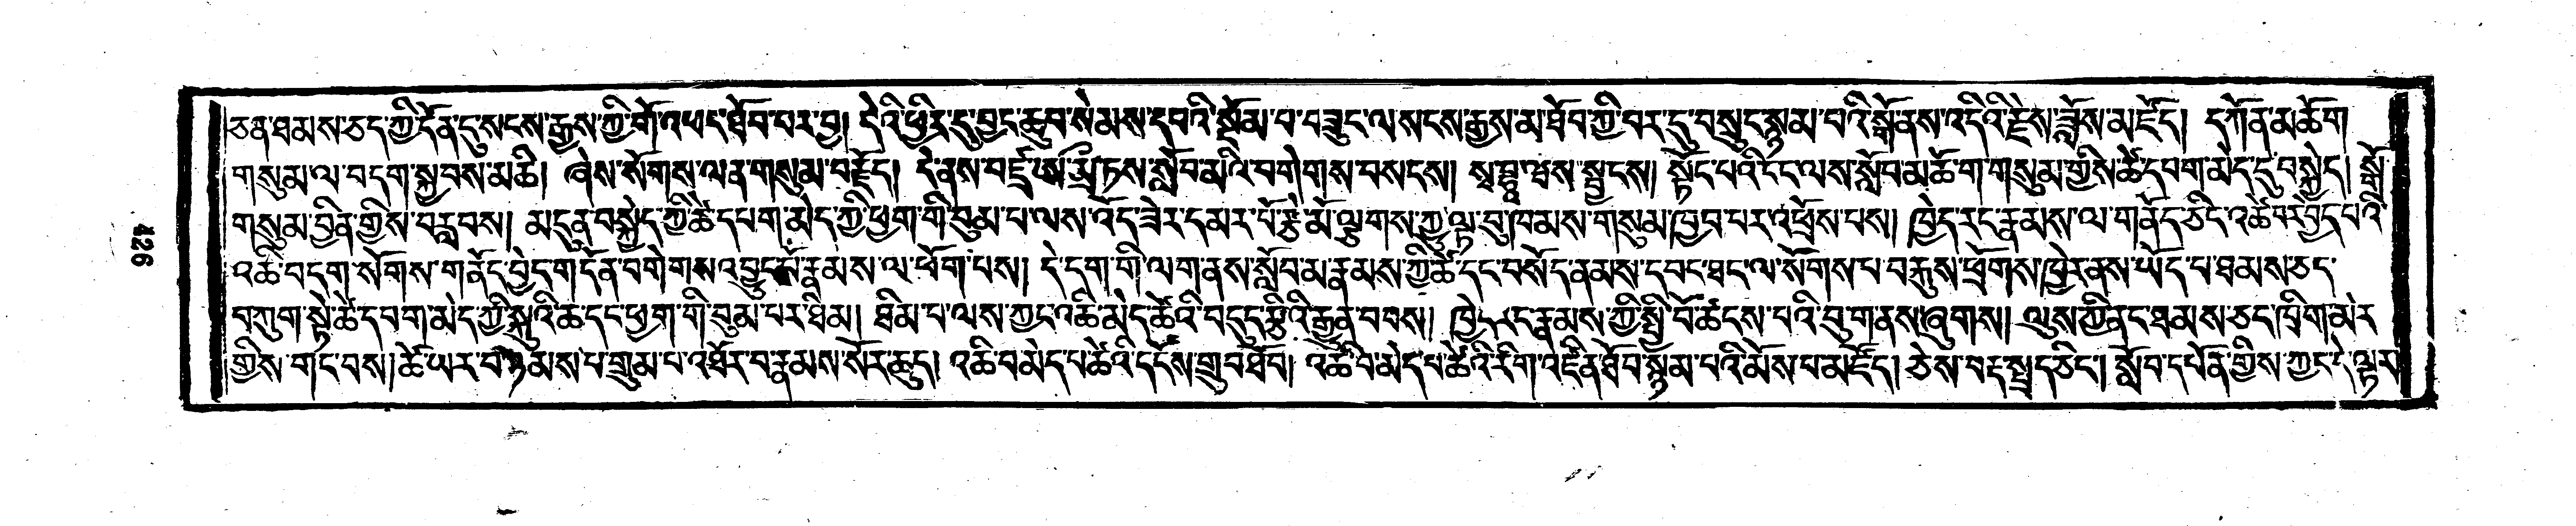ཅན་ཐམས་ཅད་ཀྱི་དོན་དུ་སངས་རྒྱས་ཀྱི་གོ་འཕང་ཐོབ་པར་བྱ། དེའི་ཕྱིར་དུ་བྱང་ཆུབ་སེམས་དཔའི་སྡོམ་པ་བཟུང་ལ་སངས་རྒྱས་མ་ཐོབ་ཀྱི་བར་དུ་བསྲུང་སྙམ་པའི་སྒོ་ནས་འདིའི་རྗེས་ཟློས་མཛོད། དཀོན་མཆོག་
གསུམ་ལ་བདག་སྐྱབས་མཆི། ཞེས་སོགས་ལན་གསུམ་བརྗོད། དེ་ནས་བཛྲ་ཨ་མྲྀ་ཏས་སློབ་མའི་བགེགས་བསངས། སྭ་བྷཱ་ཝས་སྦྱངས། སྟོང་པའི་ངང་ལས་སློབ་མ་ཆོ་ག་གསུམ་གྱིས་ཚེ་དཔག་མེད་དུ་བསྐྱེད། སྒོ་
གསུམ་བྱིན་གྱིས་བརླབས། མདུན་བསྐྱེད་ཀྱི་ཚེ་དཔག་མེད་ཀྱི་ཕྱག་གི་བུམ་པ་ལས་འོད་ཟེར་དམར་པོ་རྩེ་མོ་ལྕགས་ཀྱུ་ལྟ་བུ་ཁམས་གསུམ་ཁྱབ་པར་འཕྲོས་པས། ཁྱེད་རང་རྣམས་ལ་གནོད་ཅིང་འཚེ་བར་བྱེད་པའི་
འཆི་བདག་སོགས་གནོད་བྱེད་གདོན་བགེགས་འབྱུང་པོ་རྣམས་ལ་ཕོག་པས། དེ་དག་གི་ལག་ནས་སློབ་མ་རྣམས་ཀྱི་ཚེ་དང་བསོད་ནམས་དབང་ཐང་ལ་སོགས་པ་བརྐུས་ཕྲོགས་ཁྱེར་ནས་ཡོད་པ་ཐམས་ཅད་
བཀུག་སྟེ་ཚེ་དཔག་མེད་ཀྱི་སྐུའི་ཆ་དང་ཕྱག་གི་བུམ་པར་ཐིམ། ཐིམ་པ་ལས་ཀྱང་འཆི་མེད་ཚེའི་བདུད་རྩིའི་རྒྱུན་བབས། ཁྱེད་རང་རྣམས་ཀྱི་སྤྱི་བོ་ཚངས་པའི་བུ་ག་ནས་ཞུགས། ལུས་ཀྱི་ནང་ཐམས་ཅད་ཁྲིག་མེར་
གྱིས་གང་བས། ཚེ་ཡར་བ་ཉམས་པ་གྲུམ་པ་འཐོར་བ་རྣམས་སོར་ཆུད། འཆི་བ་མེད་པ་ཚེའི་དངོས་གྲུབ་ཐོབ། འཆི་བ་མེད་པ་ཚེའི་རིག་འཛིན་ཐོབ་སྙམ་པའི་མོས་པ་མཛོད། ཅེས་བརྡ་སྤྲད་ཅིང་། སློབ་དཔོན་གྱིས་ཀྱང་དེ་ལྟར་